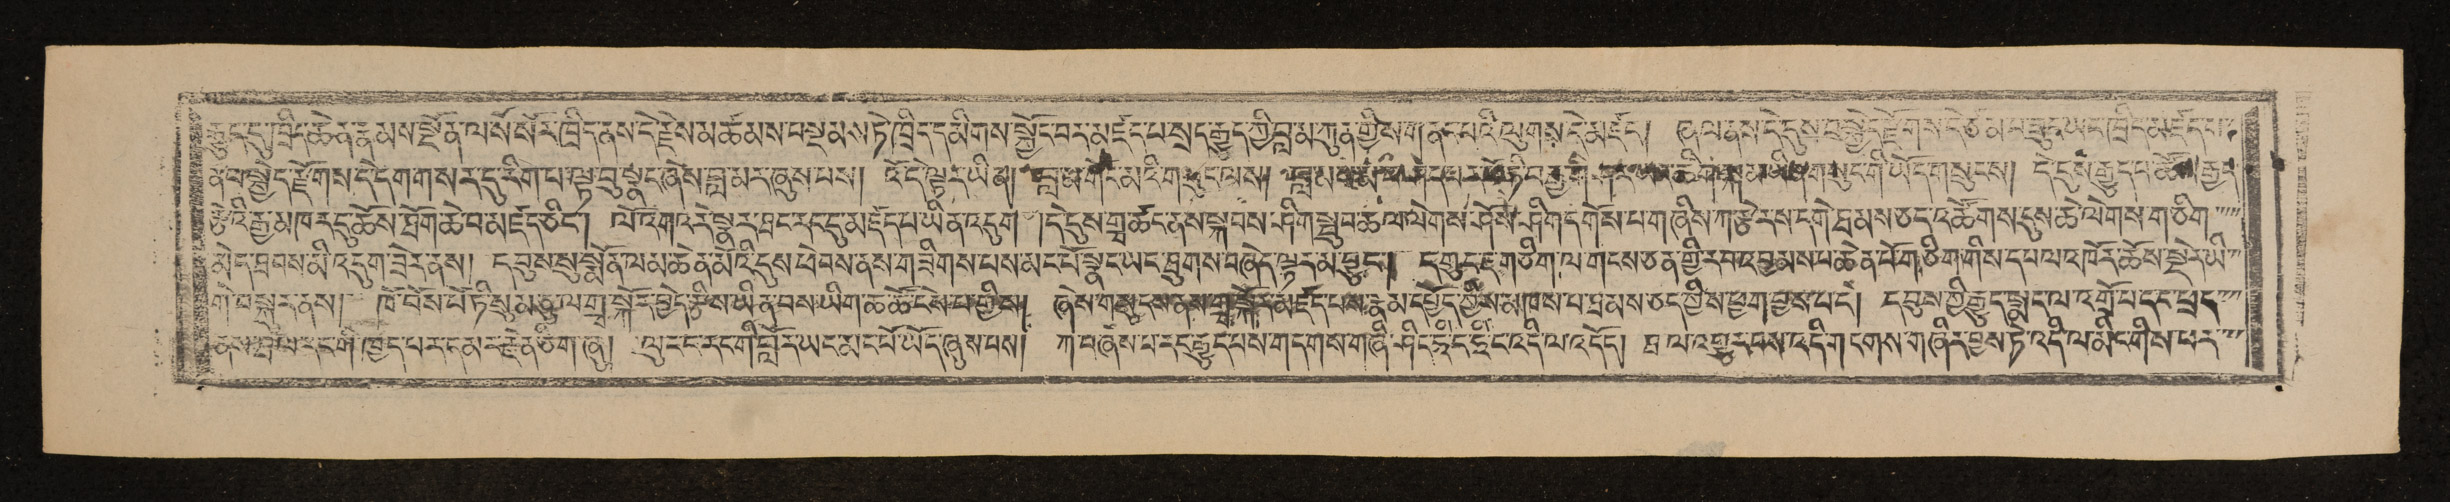རྒྱུད་དུ་ཁྲིད་ཆེན་རྣམས་སྔོན་ལ་སོ་སོར་ཁྲིད་ནས་དེ་རྗེས་མཚམས་བསྡམས་ཏེ་ཁྲིད་དམིགས་སྐྱོང་བར་མཛད་པ་སྲད་རྒྱུད་ཀྱི་བླ་མ་ཀུན་གྱིས་གནང་བའི་ལུགས་དེ་མཛད། ཞལ་ནས་དེ་དུས་བསྐྱེད་རྫོགས་དེ་ཙམ་བཟུང་ཡང་ཁྲིད་མཛད་པ་
ན་བསྐྱེད་རྫོགས་དེ་དག་གསར་དུ་རིག་པ་ལྟ་བུ་སྣང་ཞེས་བླ་མར་ཞུས་པས། འོ་དེ་ལྟར་ཡིན། བླ་མ་གོང་མའི་གསུང་ལས། བླ་མས་མ་བཤད་པར་པོ་ཏི་བརྒྱ་གཤར་ཡང་ཚིག་སྐམ་ཡིན་གསུང་གི་ཡོད་གསུངས། དེ་དུས་རྒྱུད་པ་ཚོས་རྒྱང་
རྩེའི་རྒྱ་མཁར་དུ་ཆོས་ཐོག་ཆེ་བ་མཛད་ཅིང་། ལོ་འགའ་རེ་སྣར་ཐང་རང་དུ་མཛད་པ་ཡིན་འདུག །དེ་དུས་གྲྭ་ཚང་ནས་སྐབས་ཤིག་སྦྲུབ་ཆལ་ལེགས་ཤོས་ཤིག་དགོས་པ་གཞིས་ཀ་རྩེར་ས་དགེ་ཐམས་ཅད་འཚོགས་དུས་ཆེ་ལེགས་གཅིག་
མེད་ཐབས་མི་འདུག་ཟེར་ནས། དབུས་སུ་སྨོན་ལམ་ཆེན་མོའི་དུས་ཕེབས་ནས་གཟིགས་པས་མང་པོ་སྣང་ཡང་ཐུགས་བཞེད་ལྟར་མ་བྱུང་། དགུང་ཇ་གཅིག་ལ་གངས་ཅན་གྱི་རབ་འབྱམས་པ་ཆེན་པོ་གཅིག་གིས་དཔལ་འཁོར་ཆོས་སྡེར་ཡི་
གེ་བསྐུར་ནས། ཁོ་བོས་པོ་ཏི་སུམ་ཅུ་ལ་གྲྭ་སྐོར་བྱེད་རྩིས་ཡིན་པས་ཡིག་ཆ་ཚོ་ངེས་པ་གྱིས། ཞེས་གསུངས་ནས་གྲྭ་སྐོར་མཛད་པས་རྣམ་དཔྱོད་ཀྱིས་མཁས་པ་ཐམས་ཅད་ཀྱིས་ཕྱག་བྱས་པ་དེ། དབུས་ཀྱི་རྒྱུད་སྨད་ལ་འགྲོ་བ་དང་ཕྲད་
ནས་ཐལ་རང་གི་ཁྱད་པར་དམར་རྗེན་ཅིག་ཞུ། ལུང་ང་རང་གི་བློར་ཡང་མང་པོ་ཡོད་ཞུས་པས། ཀ་བ་ཞེས་པ་རང་རྒྱུད་པས་གདགས་གཞི་ཤིང་ཧྲིང་ཧྲིང་འདི་ལ་འདོད། ཐལ་འགྱུར་བས་འདི་གདགས་གཞིར་བྱས་ཏེ་འདི་ལ་མིང་གིས་ཕར་